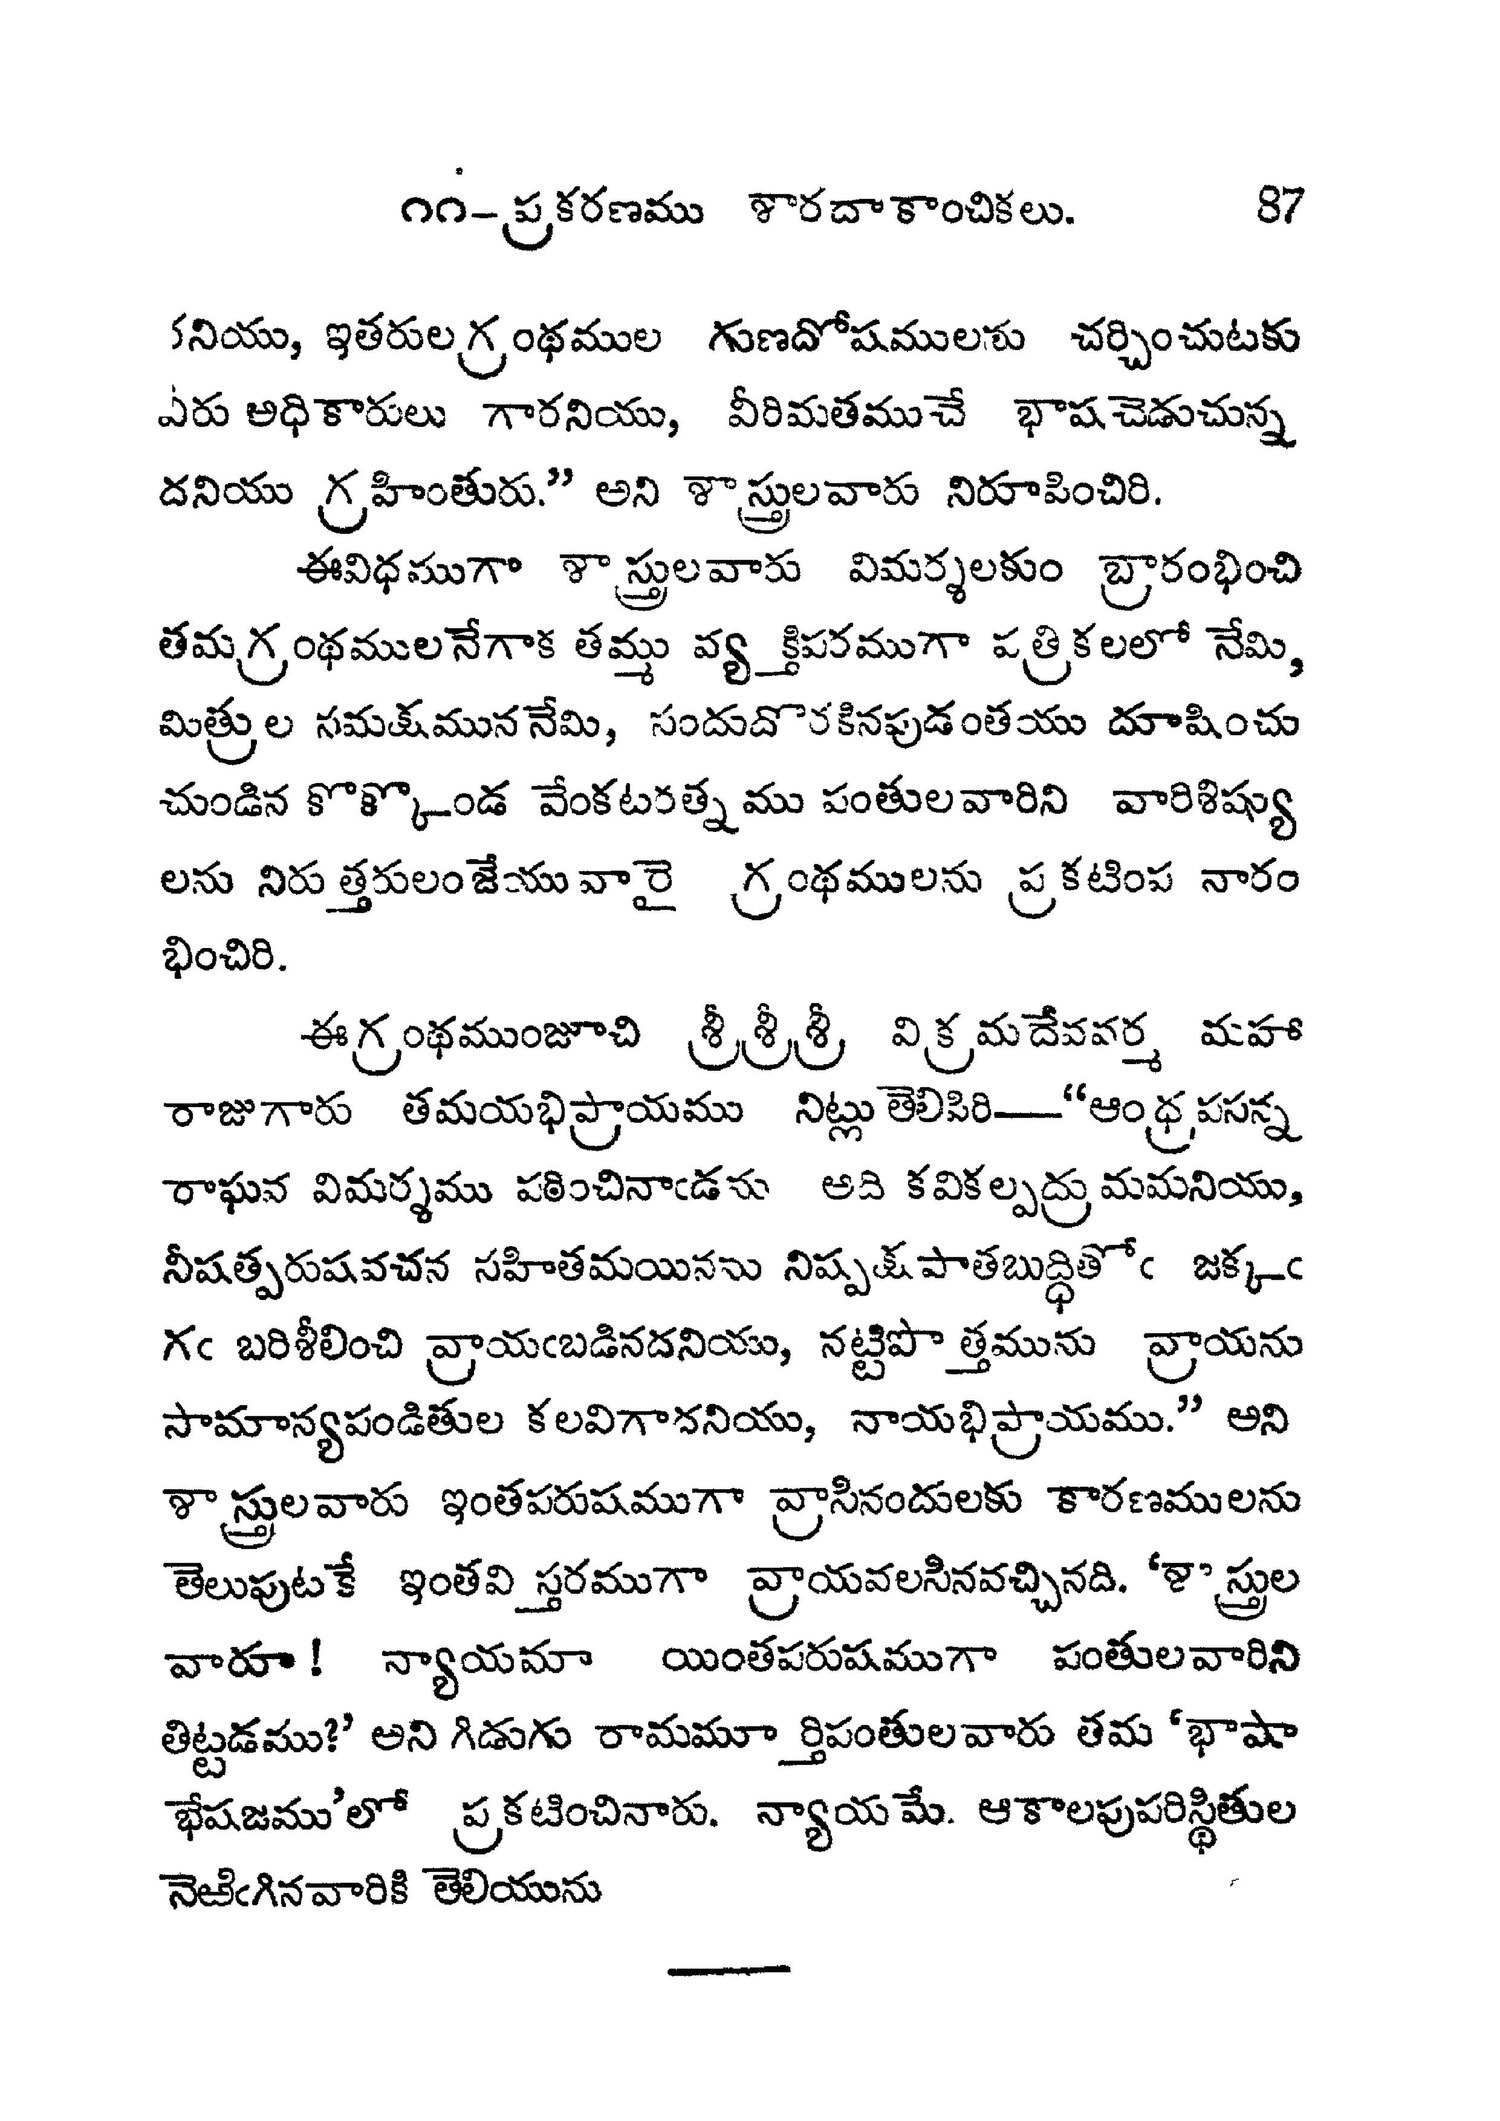రనియు, ఇతరులగ్రంథముల గుణదోషములను చర్చించుటకు వీరు అధికారులు గారనియు, వీరిమతముచే భాషచెడుచున్నదనియు గ్రహింతురు." అని శాస్త్రులవారు నిరూపించిరి.

ఈవిధముగా శాస్త్రులవారు విమర్శలకుం బ్రారంభించి తమగ్రంథములనేగాక తమ్ము వ్యక్తిపరముగా పత్రికలలో నేమి, మిత్రుల సమక్షముననేమి, సందుదొరకినపుడంతయు దూషించు చుండిన కొక్కొండ వేంకటరత్నము పంతులవారిని వారిశిష్యులను నిరుత్తరులంజేయువారై గ్రంథములను ప్రకటింప నారంభించిరి.

ఈగ్రంథముంజూచి శ్రీశ్రీశ్రీ విక్రమదేవవర్మ మహారాజుగారు తమయభిప్రాయము నిట్లుతెలిపిరి-"ఆంధ్రపసన్న రాఘవ విమర్శనము పఠించినాడను అది కవికల్పద్రుమమనియు, నీషత్పరుషవచన సహితమయినను నిష్పక్షపాతబుద్ధితో జక్కగ బరిశీలించి వ్రాయబడినదనియు, నట్టిపొత్తమును వ్రాయను సామాన్యపండితుల కలవిగాదనియు, నాయభిప్రాయము." అని శాస్త్రులవారు ఇంతపరుషముగా వ్రాసినందులకు కారణములను తెలుపుటకే ఇంతవిస్తరముగా వ్రాయవలసివచ్చినది. 'శాస్త్రులవారూ! న్యాయమా యింతపరుషముగా పంతులవారిని తిట్టడము?' అని గిడుగు రామమూర్తిపంతులవారు తమ 'భాషాభేషజము'లో ప్రకటించినారు. న్యాయమే. ఆకాలపు పరిస్థితుల నెఱిగినవారికి తెలియును.

___________